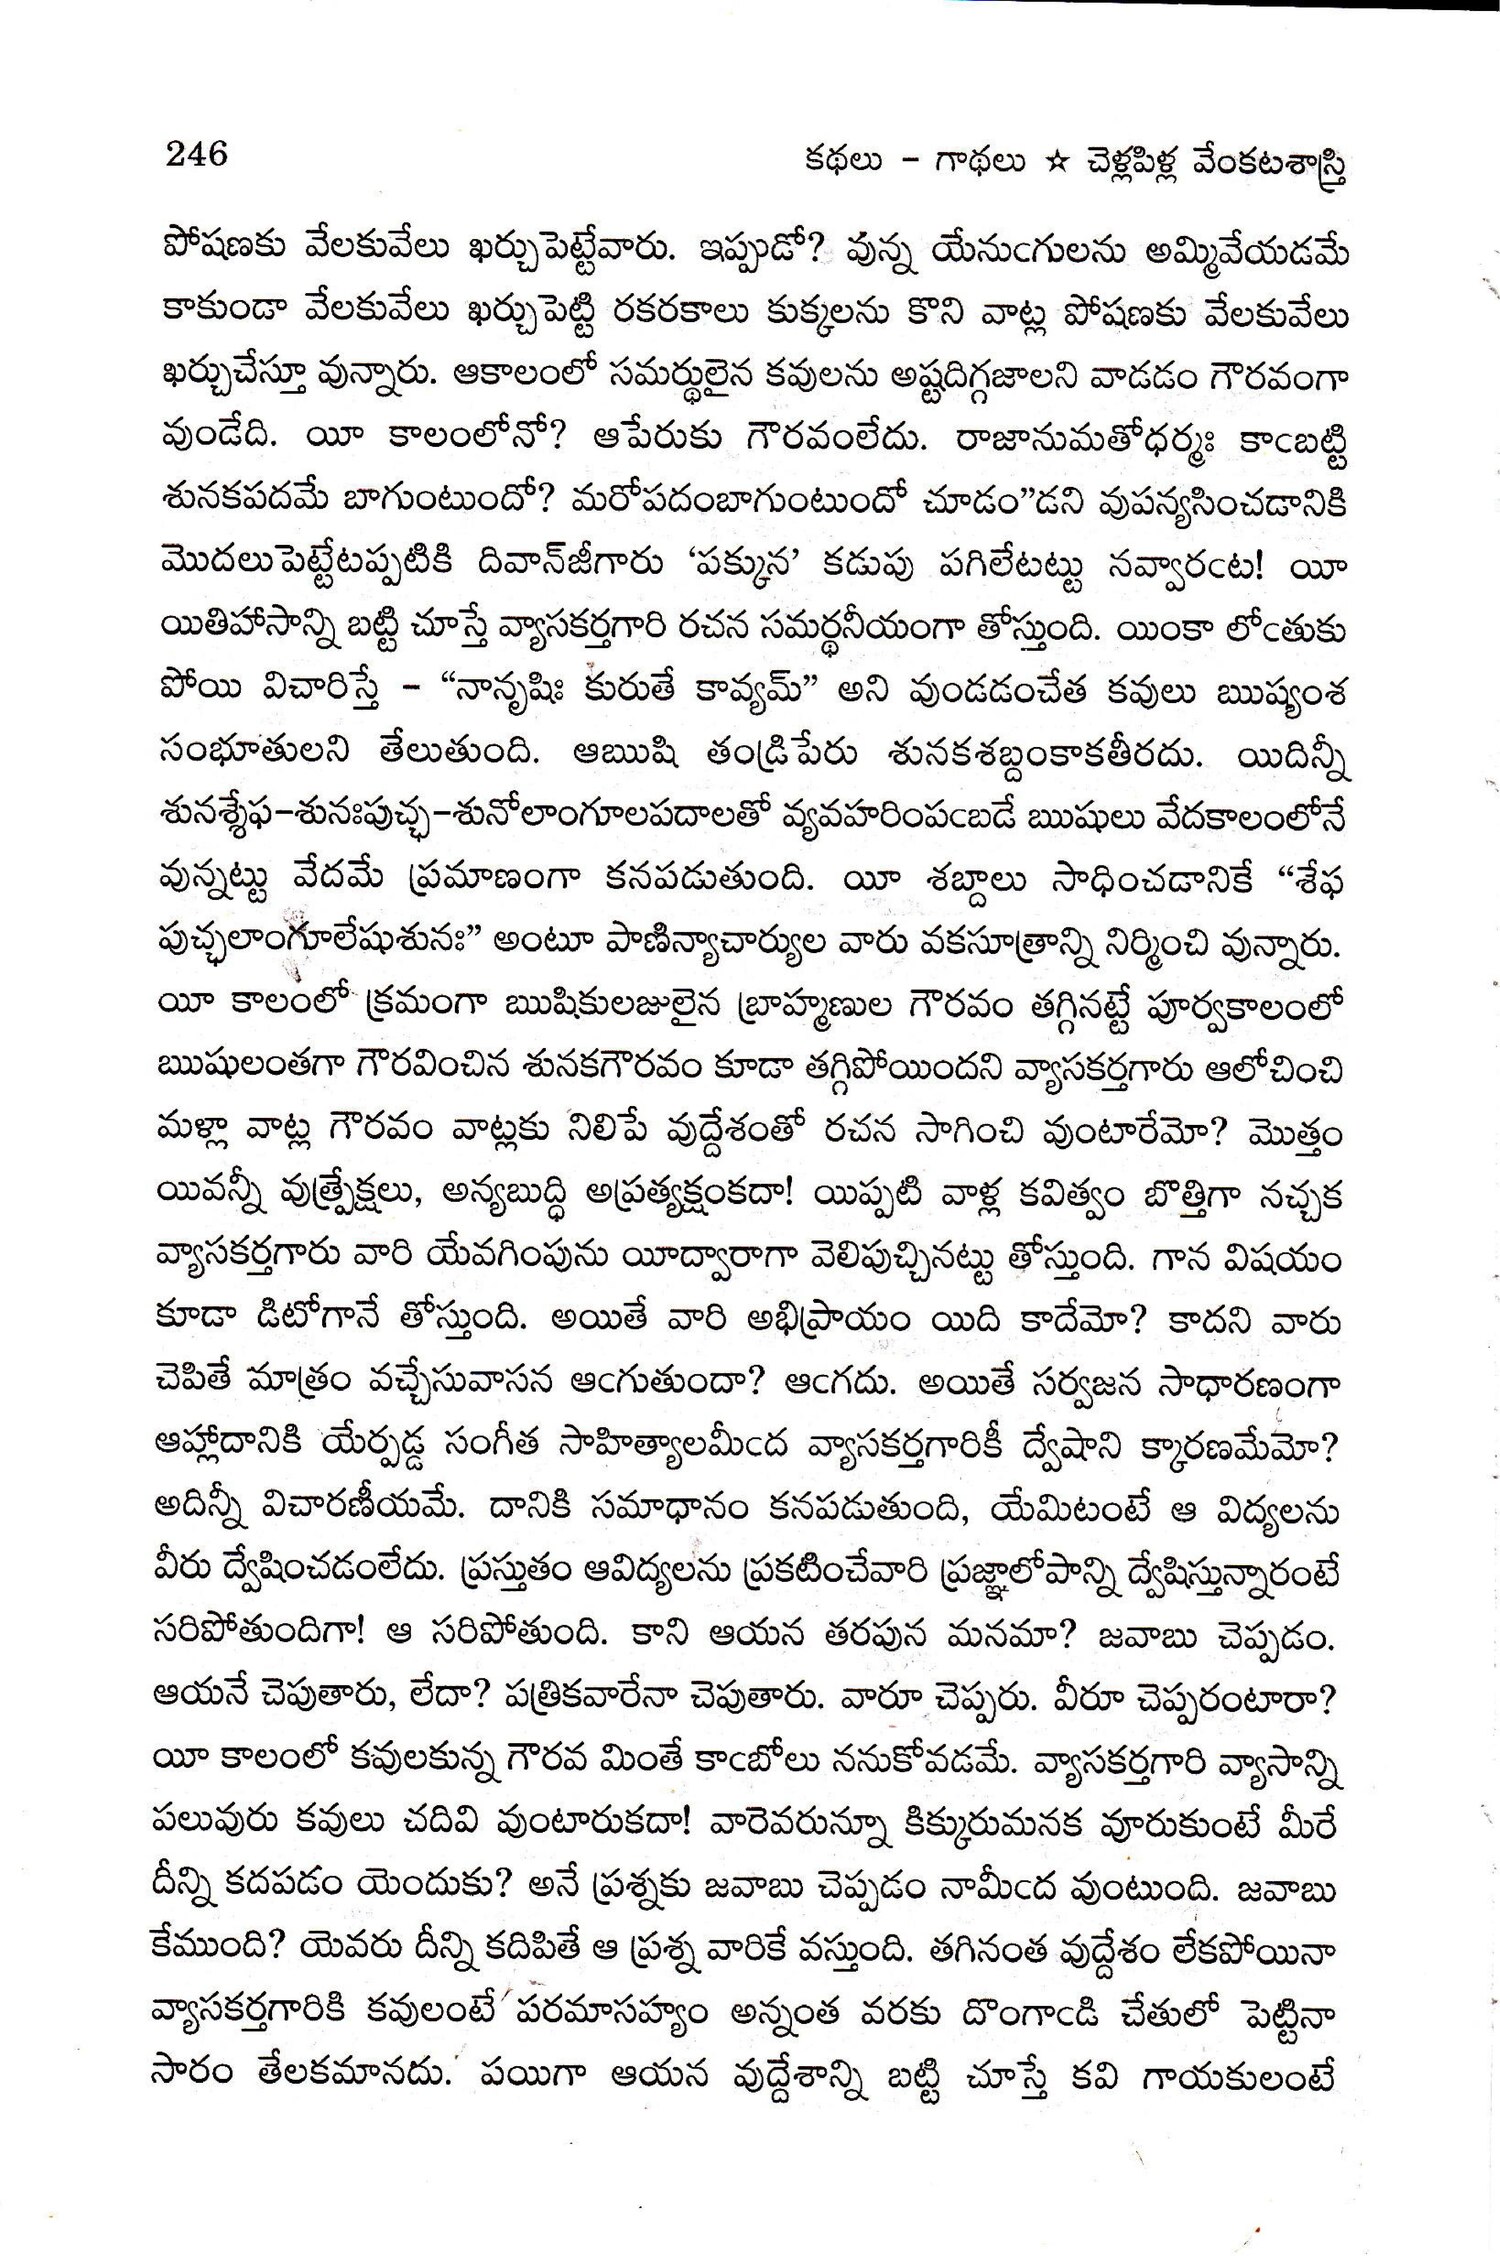పోషణకు వేలకువేలు ఖర్చుపెట్టేవారు. ఇప్పుడో? వున్న యేనుఁగులను అమ్మివేయడమే కాకుండా వేలకువేలు ఖర్చుపెట్టి రకరకాలు కుక్కలను కొని వాట్ల పోషణకు వేలకువేలు ఖర్చుచేస్తూ వున్నారు. ఆకాలంలో సమర్థులైన కవులను అష్టదిగ్గజాలని వాడడం గౌరవంగా వుండేది. యీ కాలంలోనో? ఆపేరుకు గౌరవంలేదు. రాజానుమతోధర్మః కాఁబట్టి శునకపదమే బాగుంటుందో? మరోపదంబాగుంటుందో చూడం"డని వుపన్యసించడానికి మొదలుపెట్టేటప్పటికి దివాన్‌జీగారు 'పక్కున' కడుపు పగిలేటట్టు నవ్వారఁట! యీ యితిహాసాన్ని బట్టి చూస్తే వ్యాసకర్తగారి రచన సమర్థనీయంగా తోస్తుంది. యింకా లోఁతుకు పోయి విచారిస్తే - "నానృషిః కురుతే కావ్యమ్" అని వుండడంచేత కవులు ఋష్యంశ సంభూతులని తేలుతుంది. ఆఋషి తండ్రి పేరు శునకశబ్దంకాకతీరదు. యిదిన్నీ శునశ్శేఫ-శునఃపుచ్చ-శునోలాంగూలపదాలతో వ్యవహరింపఁబడే ఋషులు వేదకాలంలోనే వున్నట్టు వేదమే ప్రమాణంగా కనపడుతుంది. యీ శబ్దాలు సాధించడానికే “శేఫ పచ్ఛలాంగూలేషుశునః" అంటూ పాణిన్యాచార్యుల వారు వకసూత్రాన్ని నిర్మించి వున్నారు. యీ కాలంలో క్రమంగా ఋషికులజులైన బ్రాహ్మణుల గౌరవం తగ్గినట్టే పూర్వకాలంలో బుషులంతగా గౌరవించిన శునకగౌరవం కూడా తగ్గిపోయిందని వ్యాసకర్తగారు ఆలోచించి మళ్లా వాట్ల గౌరవం వాట్లకు నిలిపే వుద్దేశంతో రచన సాగించి వుంటారేమో? మొత్తం యివన్నీ వుత్ప్రేక్షలు, అన్యబుద్ధి అప్రత్యక్షంకదా! యిప్పటి వాళ్ల కవిత్వం బొత్తిగా నచ్చక వ్యాసకర్తగారు వారి యేవగింపును యీద్వారాగా వెలిపుచ్చినట్టు తోస్తుంది. గాన విషయం కూడా డిటోగానే తోస్తుంది. అయితే వారి అభిప్రాయం యిది కాదేమో? కాదని వారు చెపితే మాత్రం వచ్చేసువాసన ఆఁగుతుందా? ఆఁగదు. అయితే సర్వజన సాధారణంగా ఆహ్లాదానికి యేర్పడ్డ సంగీత సాహిత్యాలమీఁద వ్యాసకర్తగారికీ ద్వేషాని క్కారణమేమో? అదిన్నీ విచారణీయమే. దానికి సమాధానం కనపడుతుంది, యేమిటంటే ఆ విద్యలను వీరు ద్వేషించడంలేదు. ప్రస్తుతం ఆవిద్యలను ప్రకటించేవారి ప్రజ్ఞాలోపాన్ని ద్వేషిస్తున్నారంటే సరిపోతుందిగా! ఆ సరిపోతుంది. కాని ఆయన తరపున మనమా? జవాబు చెప్పడం. ఆయనే చెపుతారు, లేదా? పత్రికవారేనా చెపుతారు. వారూ చెప్పరు. వీరూ చెప్పరంటారా? యీ కాలంలో కవులకున్న గౌరవ మింతే కాఁబోలు ననుకోవడమే. వ్యాసకర్తగారి వ్యాసాన్ని పలువురు కవులు చదివి వుంటారుకదా! వారెవరున్నూ కిక్కురుమనక వూరుకుంటే మీరే దీన్ని కదపడం యెందుకు? అనే ప్రశ్నకు జవాబు చెప్పడం నామీఁద వుంటుంది. జవాబు కేముంది? యెవరు దీన్ని కదిపితే ఆ ప్రశ్న వారికే వస్తుంది. తగినంత వుద్దేశం లేకపోయినా వ్యాసకర్తగారికి కవులంటే పరమాసహ్యం అన్నంత వరకు దొంగాఁడి చేతులో పెట్టినా సారం తేలకమానదు. పయిగా ఆయన వుద్దేశాన్ని బట్టి చూస్తే కవి గాయకులంటే